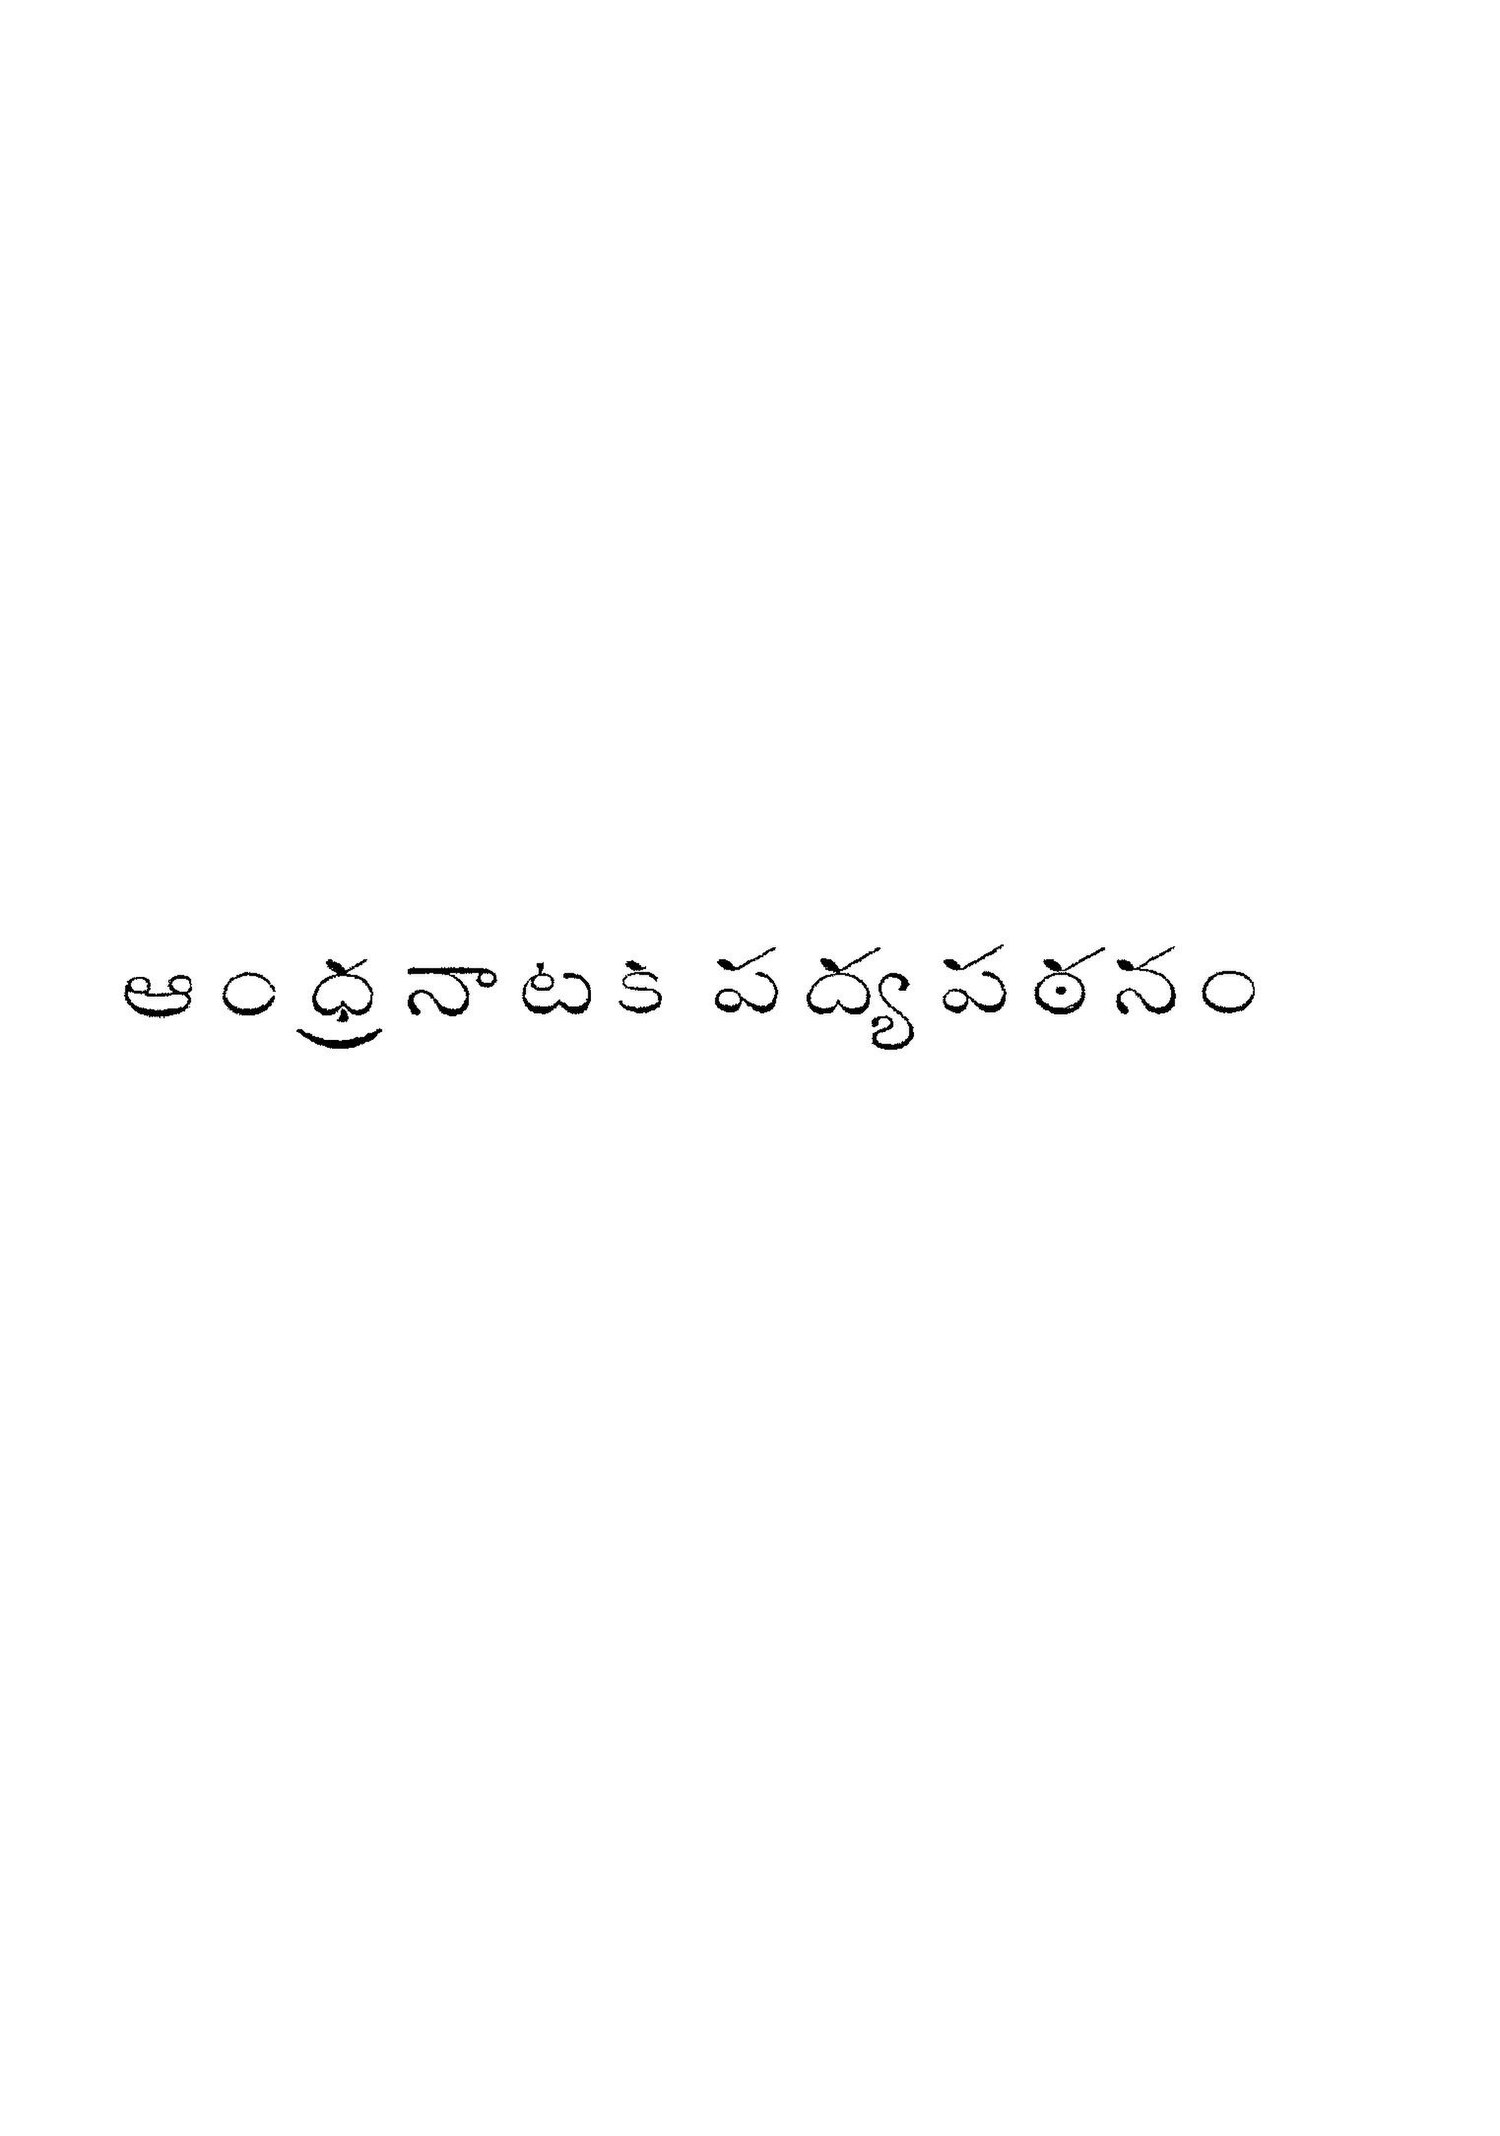ఆంధ్రనాటక పద్యపఠనం